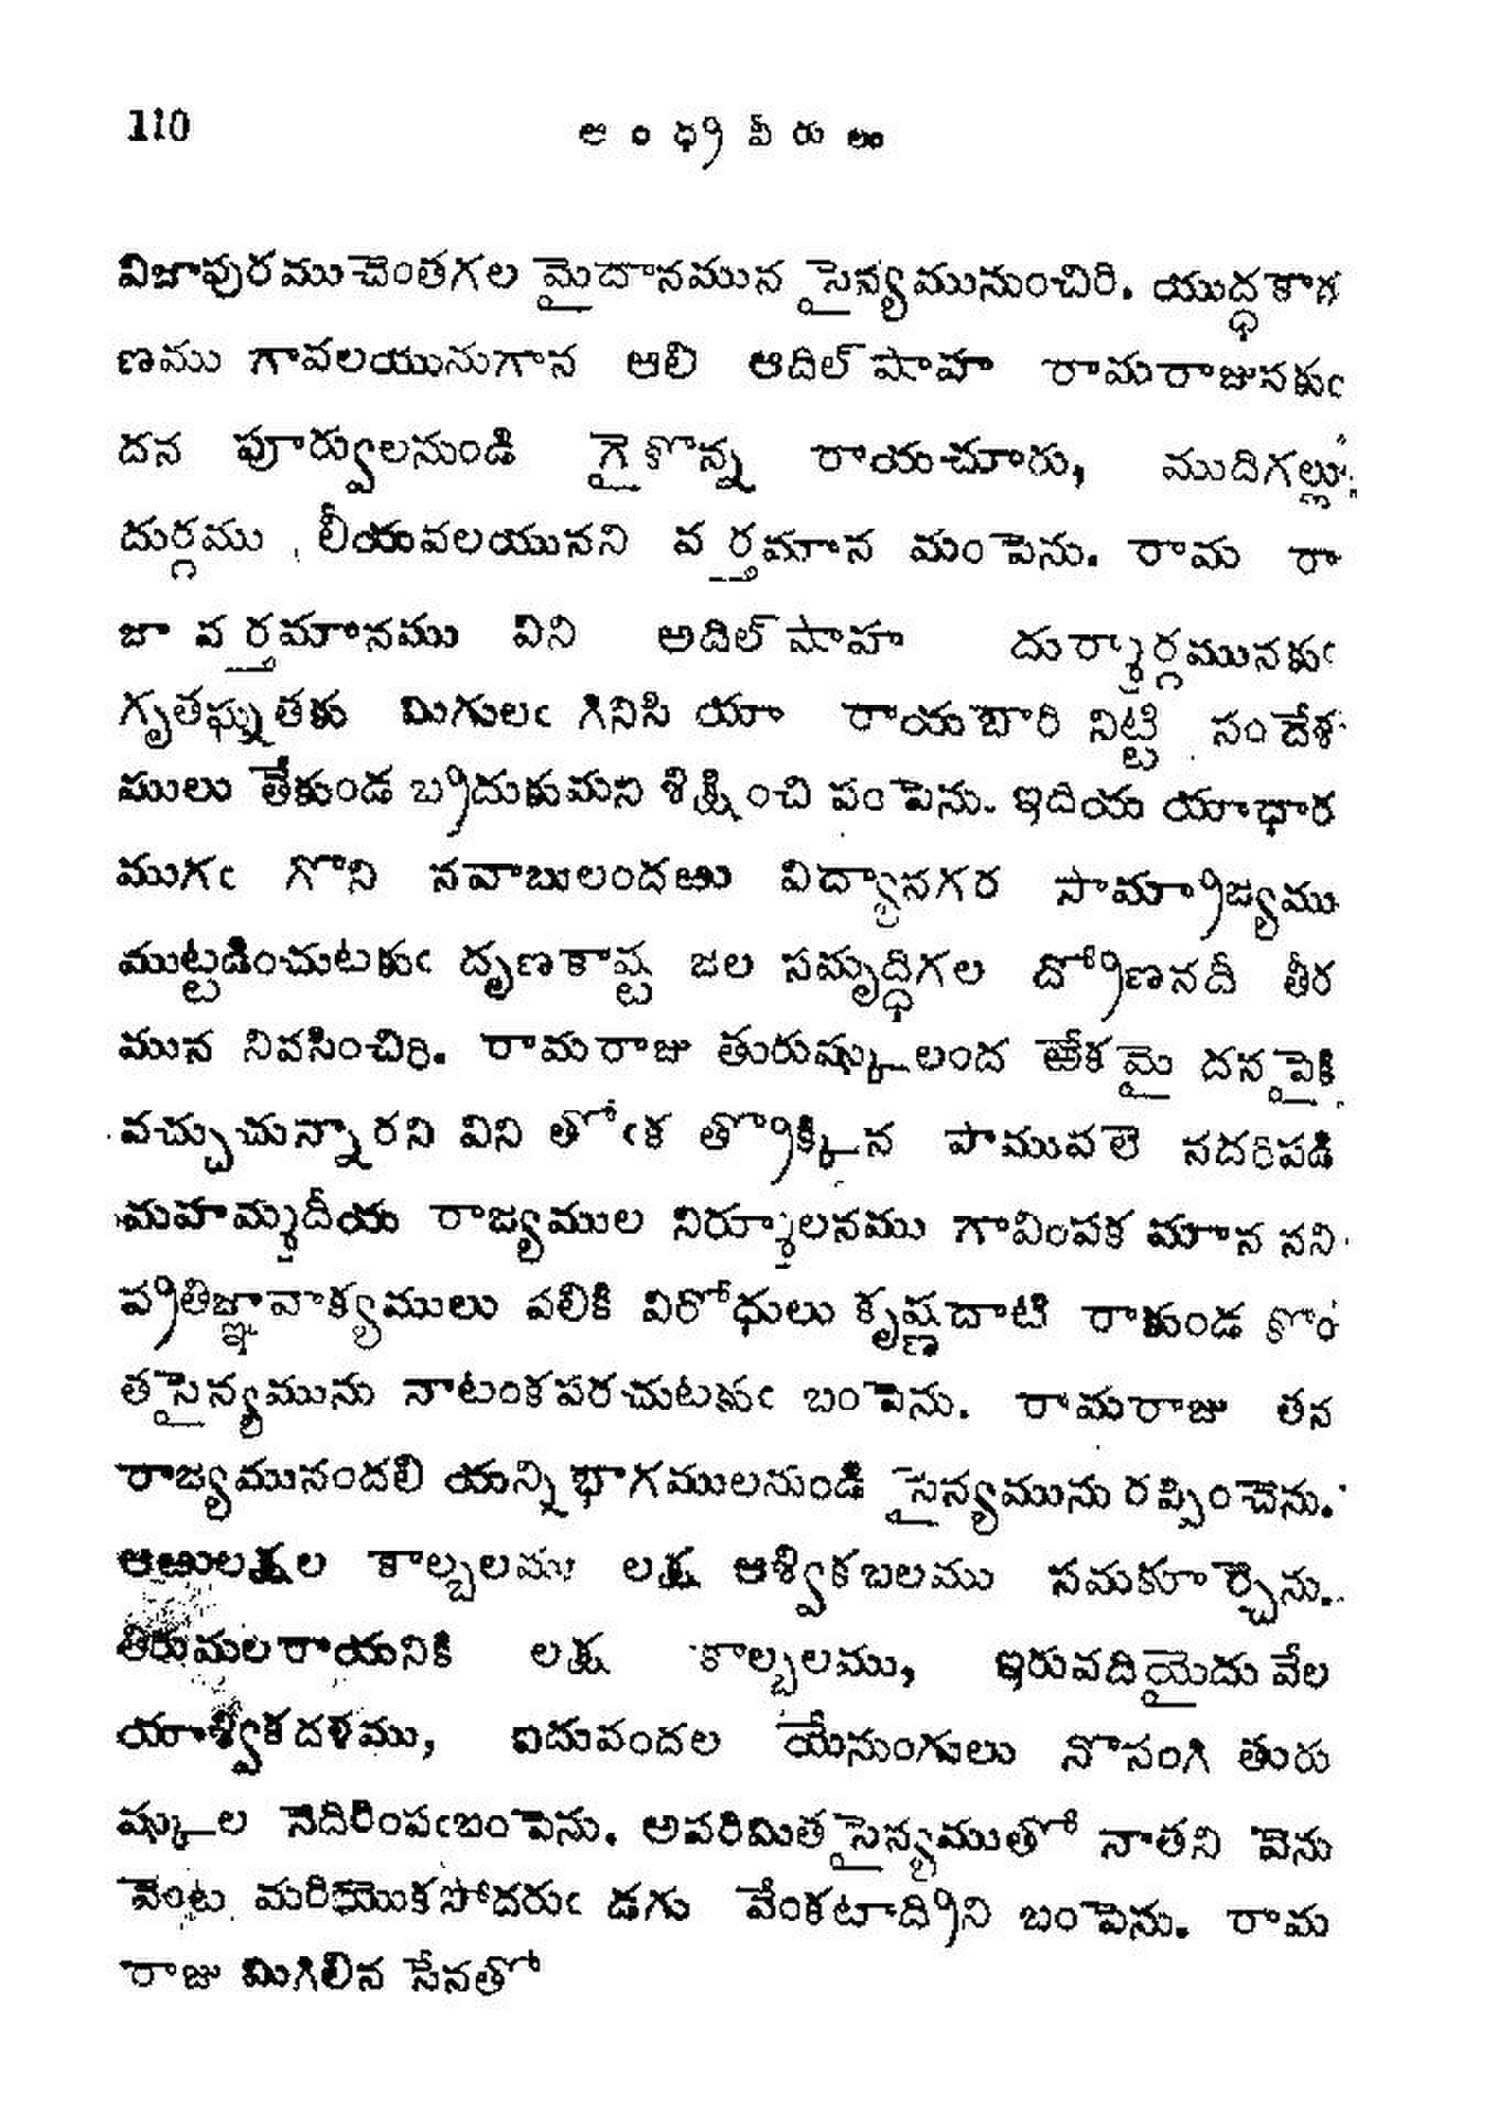విజాపురము చెంతగల మైదానమున సైన్యమునుంచిరి. యుద్ధకారణము గావలయునుగాన ఆలి ఆదిల్ షాహ రామరాజునకు దన పూర్వులనుండి గైకొన్న రాయచూరు, ముదిగల్లు దుర్గము లీయవలయునని వర్తమాన మంపెను. రామ రాజా వర్తమానము విని ఆదిల్ షాహ దుర్మార్గమునకు గృతఘ్నతకు మిగుల గినిసి యా రాయబారి నిట్టి సందేశములు తేకుండ బ్రదుకుమని శిక్షించి పంపెను. ఇదియ యాధారముగ గొని నవాబులందఱు విద్యానగర సామ్రాజ్యము ముట్టడించుటకు దృణకాష్ట జల సమృద్ధిగల ద్రోణనదీ తీరమున నివసించిరి. రామరాజు తురుష్కులంద ఱేకమై దనపైకి వచ్చుచున్నారని విని తోక త్రొక్కిన పామువలె నదరిపడి మహమ్మదీయ రాజ్యముల నిర్మూలనము గావింపక మాన నని ప్రతిజ్ఞావాక్యములు పలికి విరోధులు కృష్ణదాటి రాకుండ కొంతసైన్యమును నాటంకపరచుటకు బంపెను. రామరాజు తన రాజ్యమునందలి యన్నిభాగములనుండి సైన్యమును రప్పించెను.ఆఱులక్షల కాల్బలము లక్ష ఆశ్వికబలము సమకూర్చెను. తిరుమలరాయనికి లక్ష కాల్బలము, ఇరువదియైదువేల యాశ్వికదళము, ఐదువందల యేనుంగులు నొసంగి తురుష్కుల నెదిరింపబంపెను. అపరిమితసైన్యముతో నాతని వెనువెంట మరియొకసోదరు డగు వేంకటాద్రిని బంపెను. రామరాజు మిగిలిన సేనతో